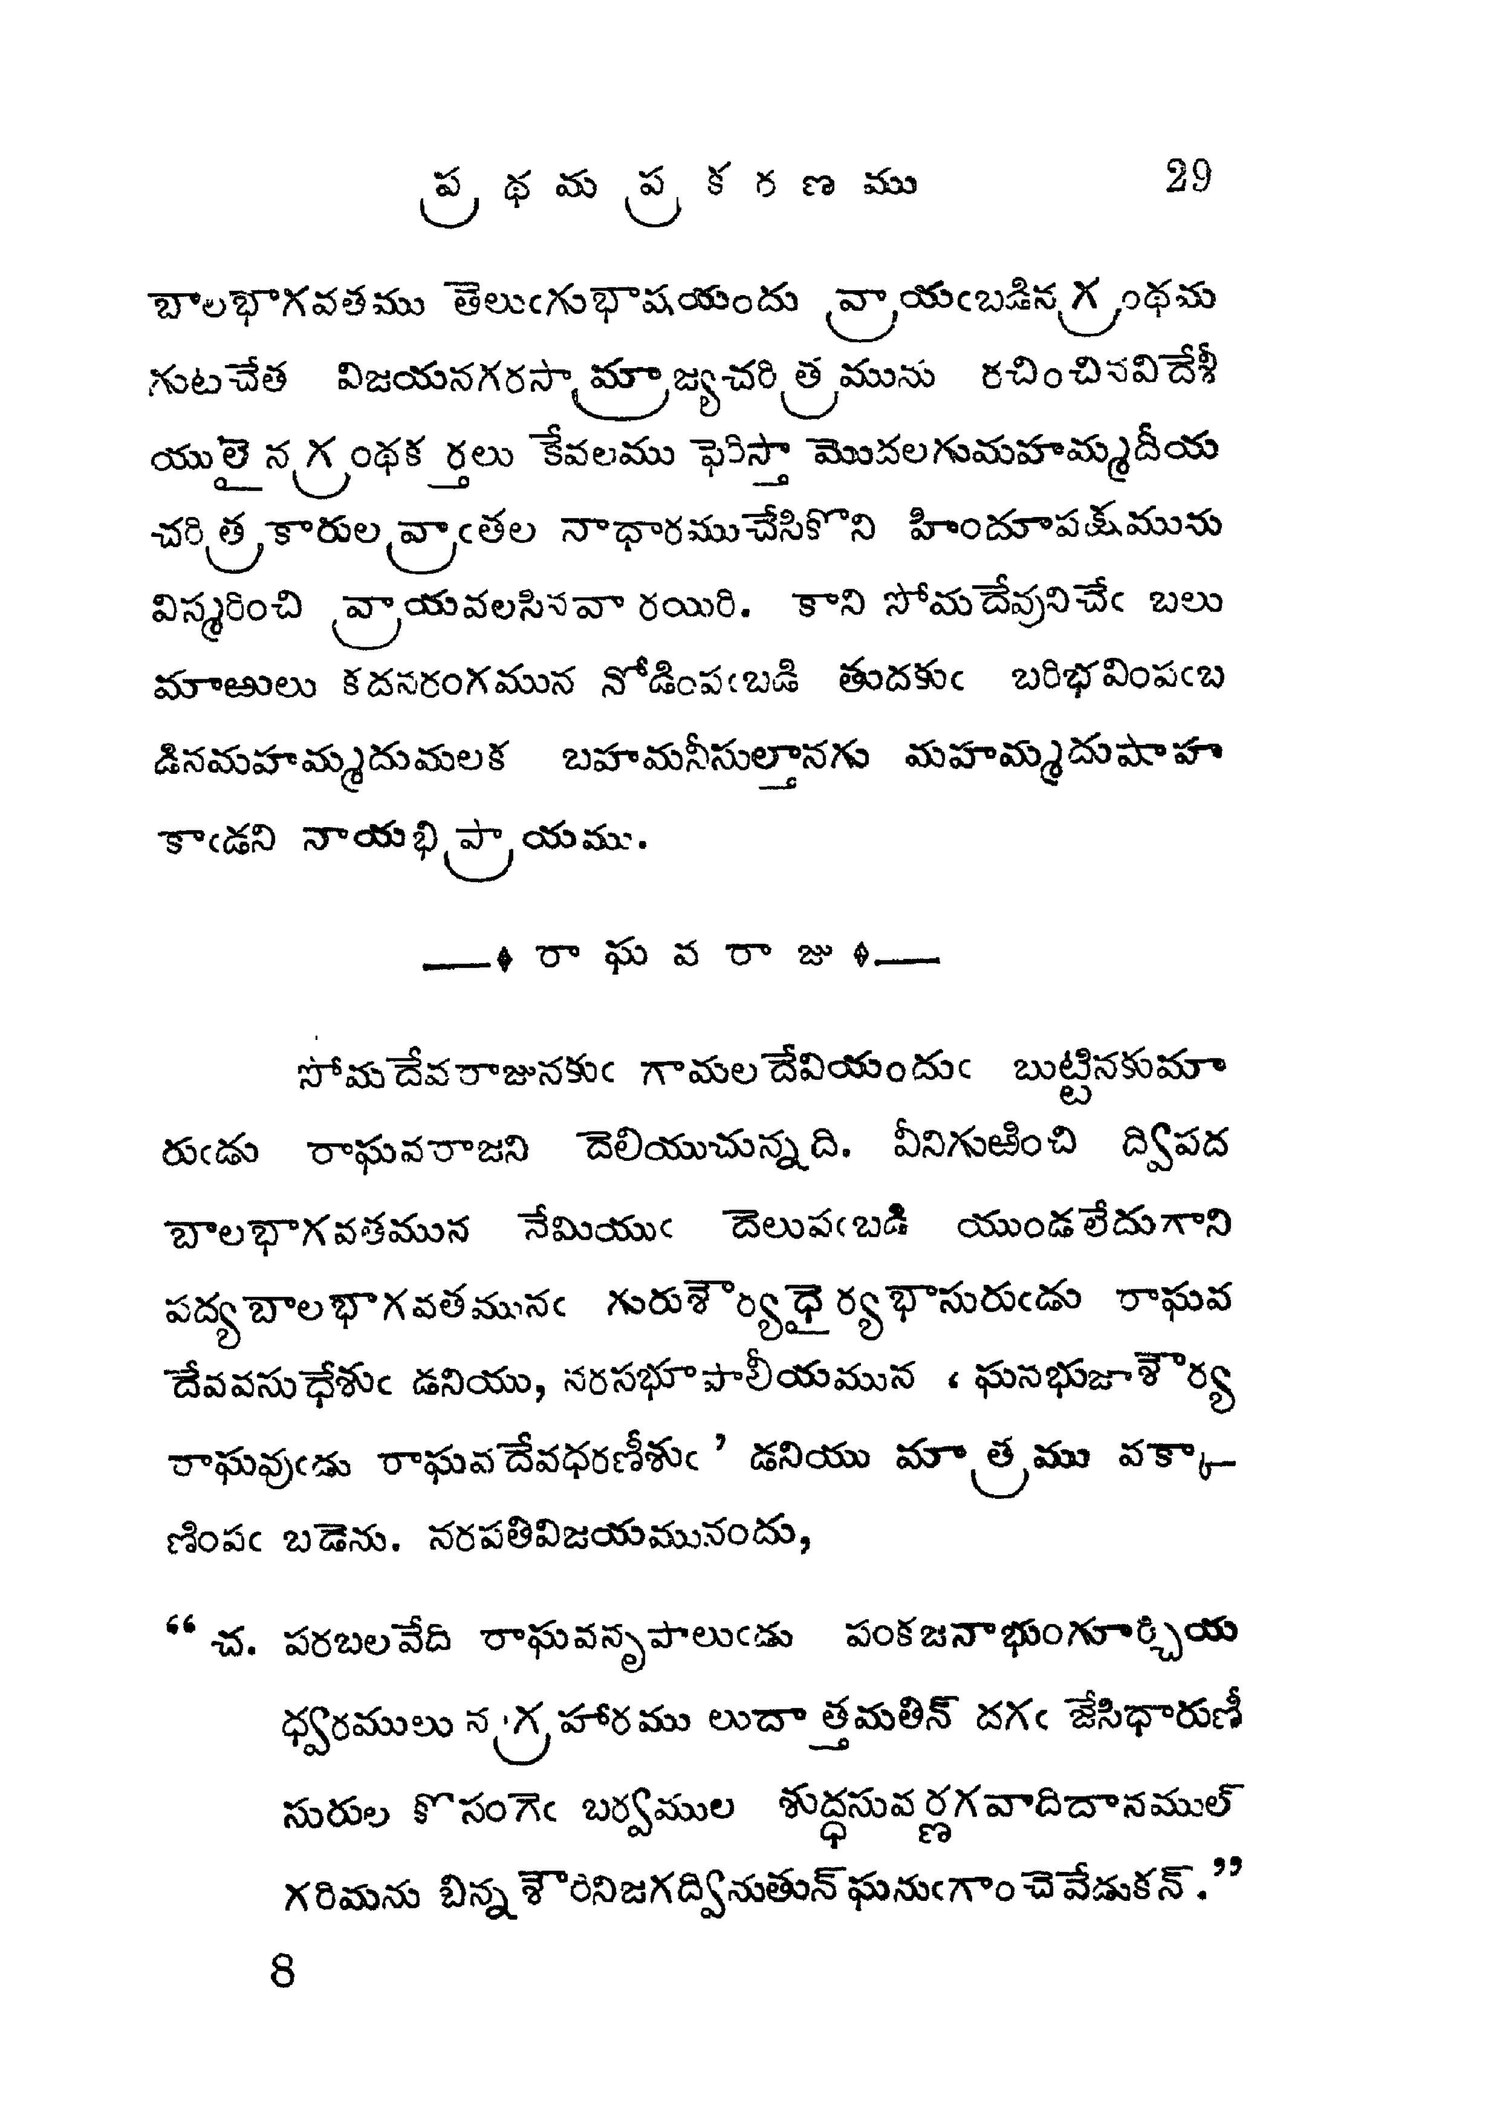బాలభాగవతము తెలుగుభాషయందు వ్రాయబడినగ్రంథమగుటచేత విజయనగరసామ్రాజ్యచరిత్రమును రచించినవిదేశీయులైన గ్రంథకర్తలు కేవలము ఫెరిస్తా మొదలగుమహమ్మదీయచరిత్రకారుల వ్రాతల నాధారముచేసుకొని హిందూపక్షమును విస్మరించి వ్రాతవలసినవా రయిరి. కాని సోమదేవునిచే బలుమాఱులు కదనరంగమున నోడింపబడి తుదకు బరిభవింపబడినమహమ్మదుమలక బహమనీసుల్తానగు మహమ్మదుషాహ కాడని నాయభిప్రాయము.

సోమదేవరాజునకు గామలదేవియందు బుట్టినకుమారుడు రాఘవరాజని దెలియుచున్నది. వీనిగుఱించి ద్విపద బాలభాగవతమున నేమియు దెలుపబడి యుండలేదుగాని పద్యబాలభాగవతమున గురుశౌర్యధైర్యభాసురుడు రాఘవదేవవసుధేశు డనియు, సరసభూపాలీయమున 'ఘనభుజాశౌర్యరాఘవుడు రాఘవదేవధరణీశు' డనియు మాత్రము వక్కాణింప బడెను. నరపతివిజయమునందు

 "చ. పరబలవేది రాఘవనృపాలుడు పంకజనాభుంగూర్చియ
 ధ్వరములు నగ్రహారము లుదాత్తమతిన్ దగ జేసిధారుణీ
 సురుల కొసంగె బర్వముల శుద్ధసువర్ణగవాదిదానముల్
 గరిమను బిన్నశౌరినిజగద్విసుతున్‌ఘనుగాంచెవేడుకన్."